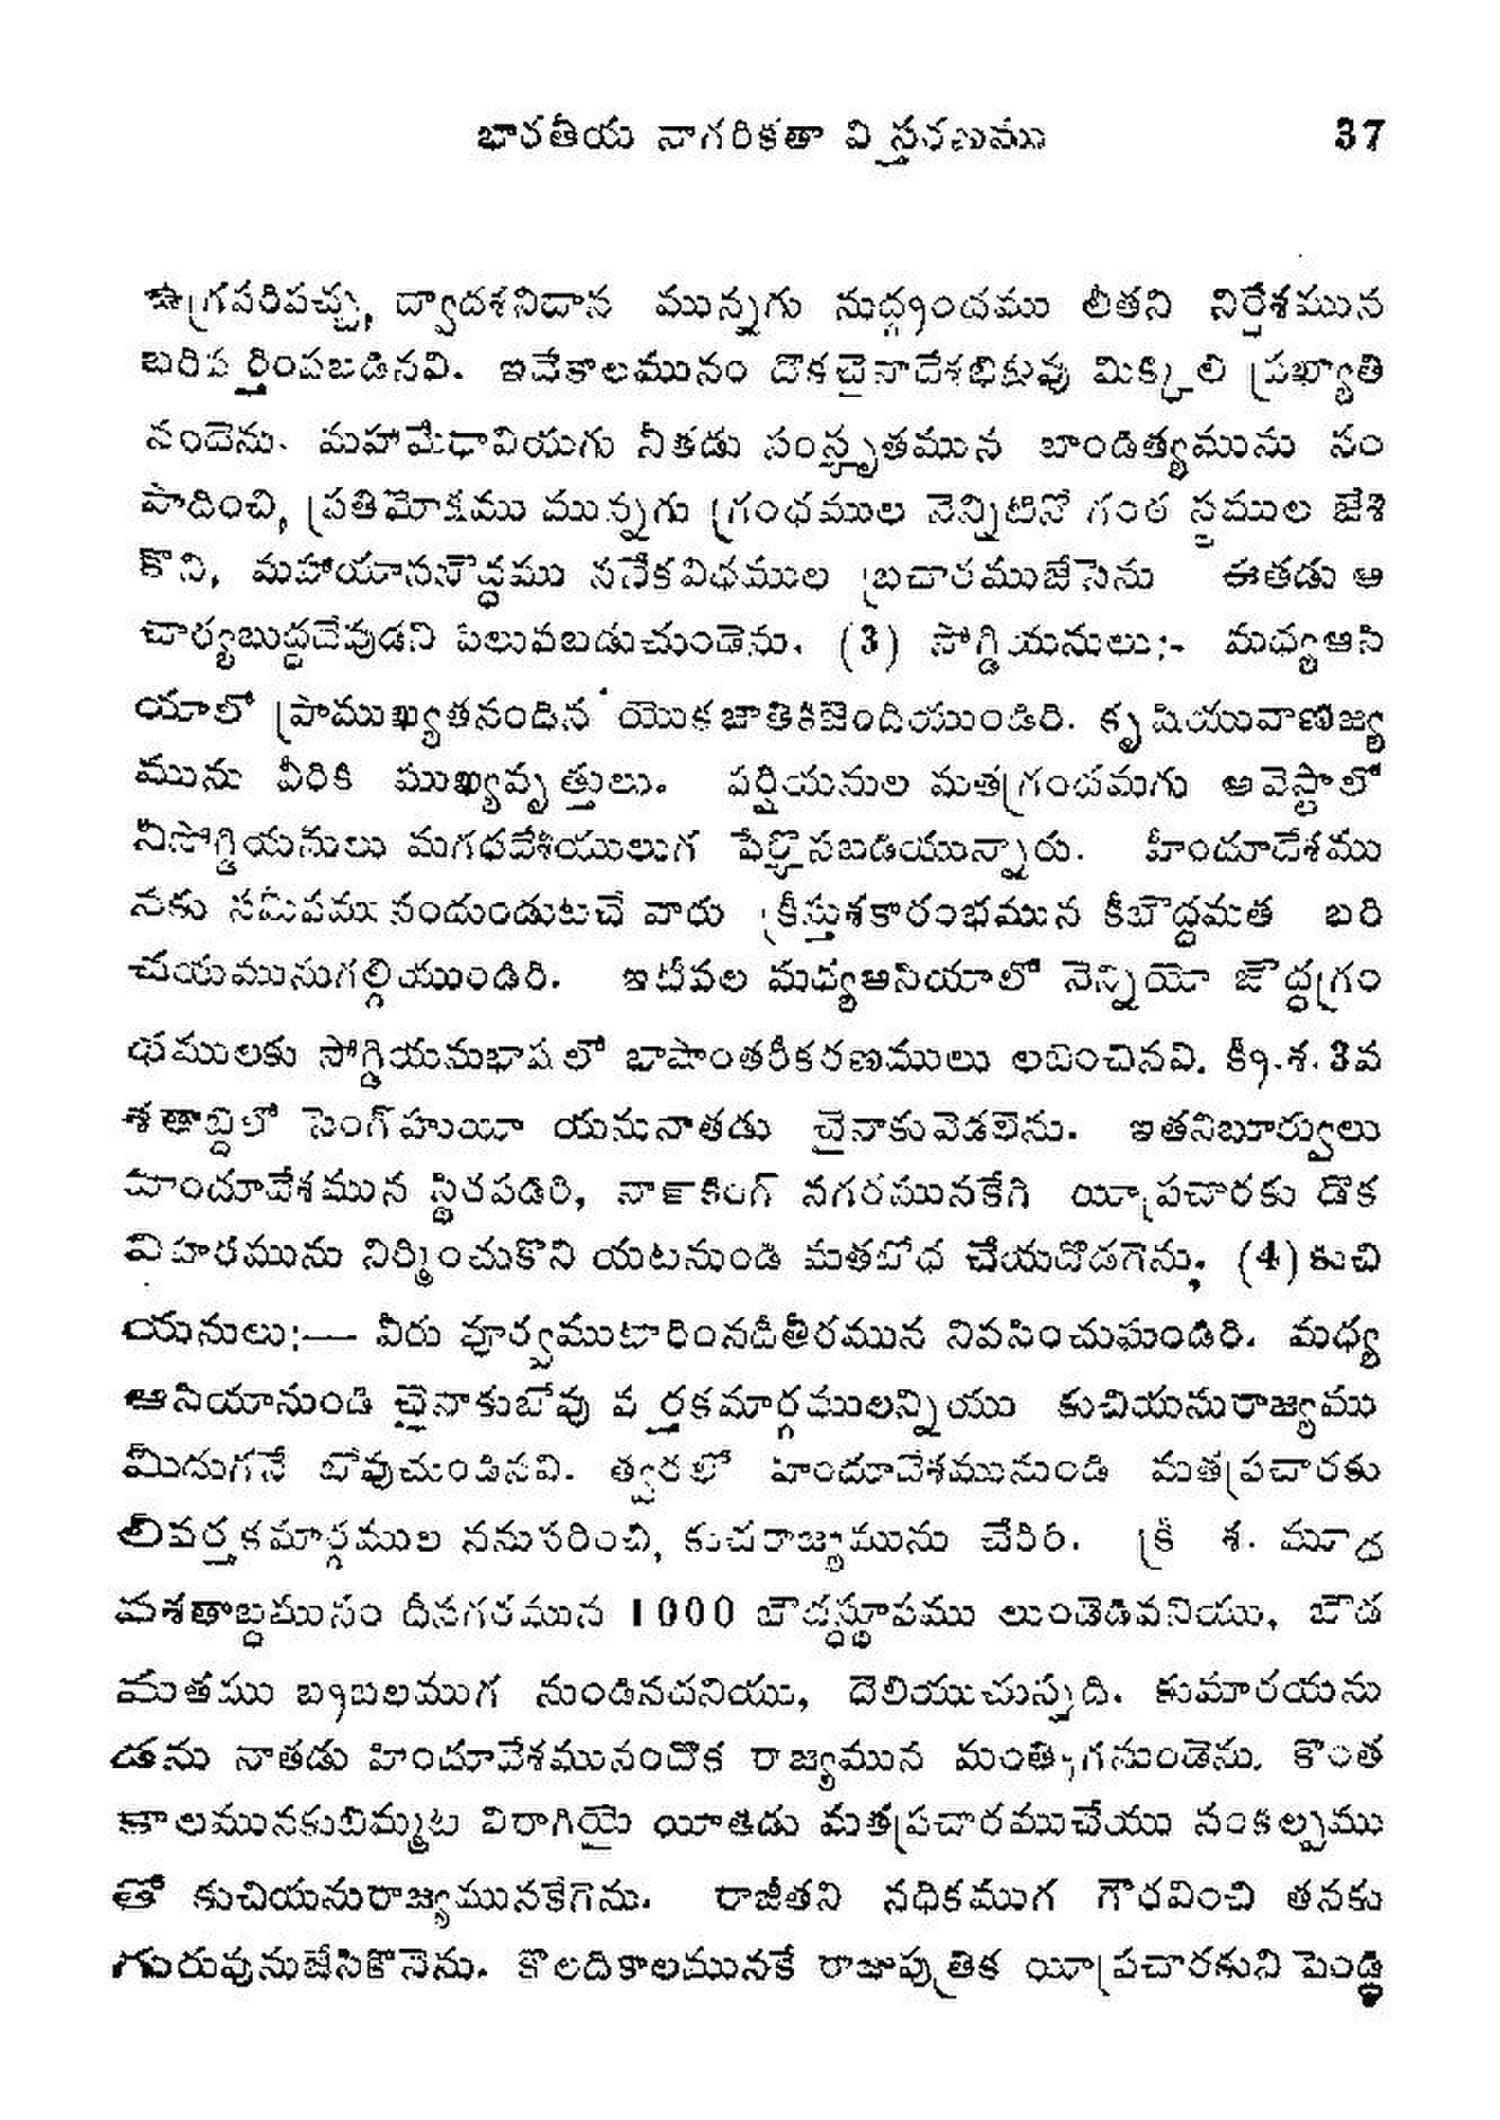ఉగ్రపరిపచ్చ, ద్వాదశనిదాన మున్నగు నుద్గ్రందము లీతని నిర్దేశమున బరివర్తింపబడినవి. ఇదేకాలమునం దొక చైనాదేశభిక్షువు మిక్కిలి ప్రఖ్యాతి నందెను. మహామేధావియగు నీతడు సంస్కృతమున బాండిత్యమును సంపాదించి, ప్రతిమోక్షము మున్నగు గ్రంథముల నెన్నిటినో గంఠస్థముల జేశికొని, మహాయానబౌద్దము ననేకవిధముల బ్రచారముజేసెను. ఈతడు ఆచార్యబుద్దదేవుడని పిలువబడుచుండెను. (3) సోగ్డియనులు :- మధ్యఆసియాలో ప్రాముఖ్యతనందిన యొక జాతికిజెందియుండిరి. కృషియువాణిజ్యమును వీరికి ముఖ్యవృత్తులు. పర్షియనుల మతగ్రంథమగు అవెస్టాలో నీసోగ్డియనులు మగధదేశీయులుగ పేర్కొనబడియున్నారు. హిందూదేశమునకు సమీపము నందుండుటచే వారు క్రీస్తుశకారంభమున కీబౌద్దమత బరిచయమును గల్గియుండిరి. ఇటీవల మధ్యఆసియాలో నెన్నియో బౌద్దగ్రంథములకు సోగ్డియనుభాషలో భాషాంతరీకరణములు లభించినవి. క్రీ. శ. 3 వ శతాబ్దిలో సెంగ్‌హుయీ యనునాతడు చైనాకువెడలెను. ఇతనిబూర్వులు హిందూదేశమున స్థిరపడిరి. నాన్‌కింగ్ నగరమునకేగి యీప్రచారకు డొక విహారమును నిర్మించుకొని యటనుండి మతబోధ చేయదొడగెను. (4) కుచియనులు :- వీరు పూర్వముటారింనదీతీరమున నివసించుచుండిరి. మధ్యఆసియానుండి చైనాకుబోవు వర్తకమార్గములన్నియు కుచియనురాజ్యము మీదుగనే బోవుచుండినవి. త్వరలో హిందూదేశమునుండి మతప్రచారకు లీవర్తకమార్గముల ననుసరించి, కుచరాజ్యమును చేరిరి. క్రీ. శ. మూడవశతాబ్దమునం దీనగరమున 1000 బౌద్దస్థూపము లుండెడివనియు, బౌడ మతము బ్రబలముగ నుండినదనియు, దెలియుచున్నది. కుమారయను డను నాతడు హిందూదేశమునందొక రాజ్యమున మంత్రిగనుండెను. కొంత కాలమునకు బిమ్మట విరాగియై యీతడు మతప్రచారముచేయు సంకల్పముతో కుచియనురాజ్యమునకేగెను. రాజీతని నధికముగ గౌరవించి తనకు గురువునుజేసికొనెను. కొలదికాలమునకే రాజుపుత్రిక యీప్రచారకుని పెండ్లి